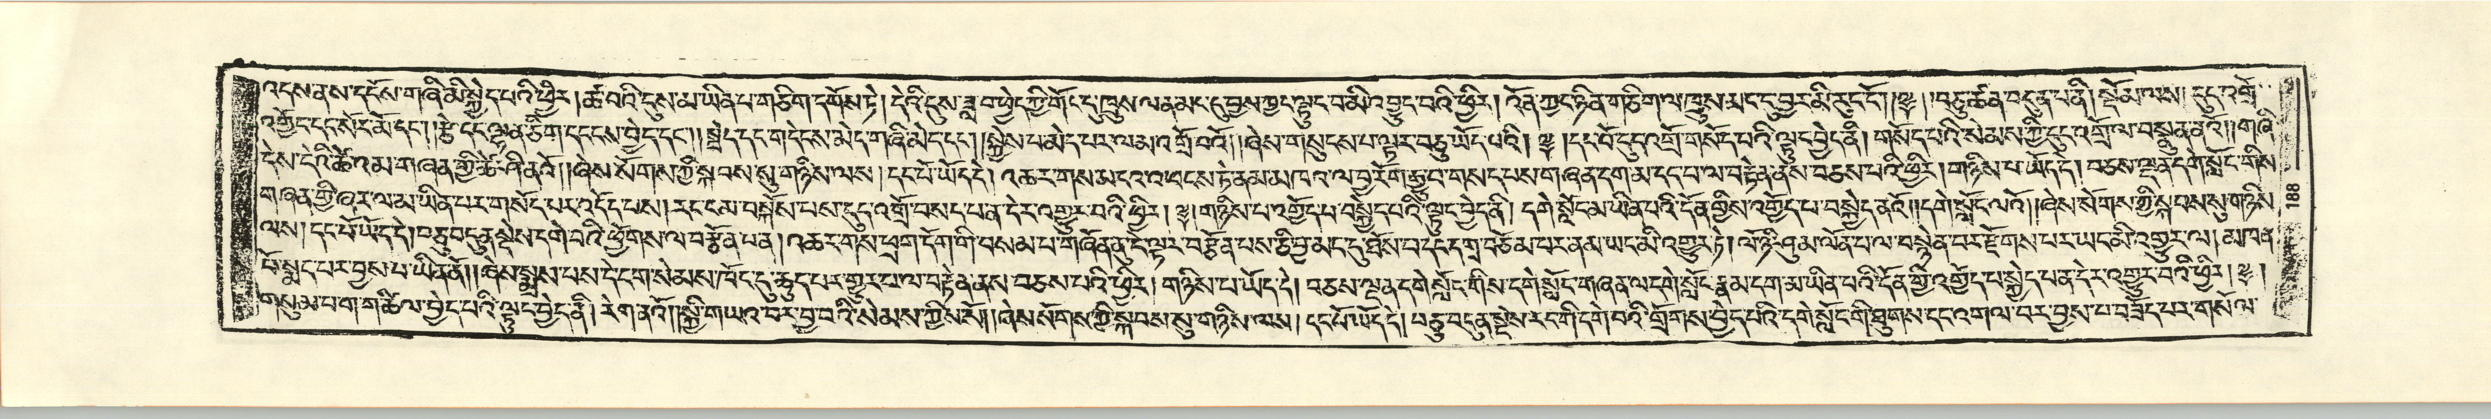འདས་ནས་དངོས་གཞི་མི་སྐྱེད་པའི་ཕྱིར། ཚ་བའི་དུས་མ་ཡིན་པ་གཅིག་དགོས་ཏེ། དེའི་དུས་ཟླ་བ་ཕྱེད་ཀྱི་གོང་དུ་ཁྲུས་ལན་མང་དུ་བྱས་ཀྱང་ལྟུང་བ་མི་འབྱུང་བའི་ཕྱིར། འོན་ཀྱང་ཉིན་གཅིག་ལ་ཁྲུས་མང་དུ་བྱར་མི་རུང་ངོ།། ༈ །།བཅུ་ཚན་བདུན་པ་ནི། སྡོམ་ལས། དུད་འགྲོ་
འགྱོང་དང་སོར་མོ་དང་། །རྩེ་དང་ལྷན་ཅིག་དངངས་བྱེད་དང་། །སྦེད་དང་གདེངས་མེད་གཞི་མེད་དང་། །སྐྱེས་པ་མེད་པར་ལམ་འགྲོ་བའོ། །ཞེས་གསུངས་པ་ལྟར་བཅུ་ཡོད་པའི། ༈ །དང་པོ་དུད་འགྲོ་གསོད་པའི་ལྟུང་བྱེད་ནི། གསོད་པའི་སེམས་ཀྱི་དུད་འགྲོ་ལ་བསྣུན་ནའོ། །གཞི་
དེས་དེའི་ཚེ་འམ་གཞན་གྱི་ཚེ་ཤི་ནའོ། །ཞེས་སོགས་ཀྱི་སྐབས་སུ་གཉིས་ལས། དང་པོ་ཡོད་དེ། འཆར་གས་མངའ་འཕངས་ཏེ་ནམ་མཁའ་ལ་བྱ་རོག་རྒྱུ་བ་གསད་པས་གཞན་དག་མ་དད་པ་ལ་བརྟེན་ནས་བཅས་པའི་ཕྱིར། གཉིས་པ་ཡོད་དེ། བཅས་ལྡན་དགེ་སློང་གིས་
གཞན་གྱི་ཞར་ལ་མ་ཡིན་པར་གསོང་པར་གསོད་པར་འདོད་པས། རང་ངམ་བསྐོས་པས་དུད་འགྲོ་བསད་པ་ན་དེར་འགྱུར་བའི་ཕྱིར། ༈ །གཉིས་པ་འགྱོད་པ་བསྐྱེད་པའི་ལྟུང་བྱེད་ནི། དགེ་སློང་མ་ཡིན་པའི་དོན་གྱིས་འགྱོད་པ་བསྐྱེད་ནའོ། །དགེ་སློང་ལའོ། །ཞེས་སོགས་ཀྱི་སྐབས་སུ་གཉིས་
ལས། དང་པོ་ཡོད་དེ། བཅུ་བདུན་སྡེས་དགེ་བའི་ཕྱོགས་ལ་བརྩོན་པ་ན། འཆར་གས་ཕྲག་དོག་གི་བསམ་པ་གཞོན་ནུ་དེ་ལྟར་བརྩོན་པས་ཅི་བྱ་མང་དུ་ཐོས་བ་དང་དགྲ་བཅོམ་པར་ནམ་ཡང་མི་འགྱུར་ཏེ། ལོ་ཉི་ཤུ་མ་ལོན་པ་ལ་བསྙེན་པར་རྫོགས་པར་ཡང་མི་འགྱུར་ལ། མཁན་
པོ་སྨད་པར་བྱས་པ་ཡིན་ནོ། །ཞེས་སྨྲས་པས་དེ་དག་སེམས་ཁོང་དུ་ཆུད་པར་གྱུར་པ་ལ་བརྟེན་ནས་བཅས་པའི་ཕྱིར། གཉིས་པ་ཡོད་དེ། བཅས་ལྡན་དགེ་སློང་གིས་དགེ་སློང་གཞན་ལ་དགེ་སློང་རྣམ་དག་མ་ཡིན་པའི་དོན་གྱི་འགྱོད་པ་སྐྱེད་པ་ན་དེར་འགྱུར་བའི་ཕྱིར། ༈ །
གསུམ་པ་ག་ག་ཚིལ་བྱེད་པའི་ལྟུང་བྱེད་ནི། རེག་ནའོ། །སྐྱི་གཡའ་བར་བྱ་བའི་སེམས་ཀྱིས་སོ། །ཞེས་སོགས་ཀྱི་སྐབས་སུ་གཉིས་ལས། དང་པོ་ཡོད་དེ། བཅུ་བདུན་སྡེས་རང་གི་དགེ་བའི་གྲོགས་བྱེད་པའི་དགེ་སློང་གི་ཐུགས་དང་འགལ་བར་བྱས་བ་བཟོད་པར་གསོལ་